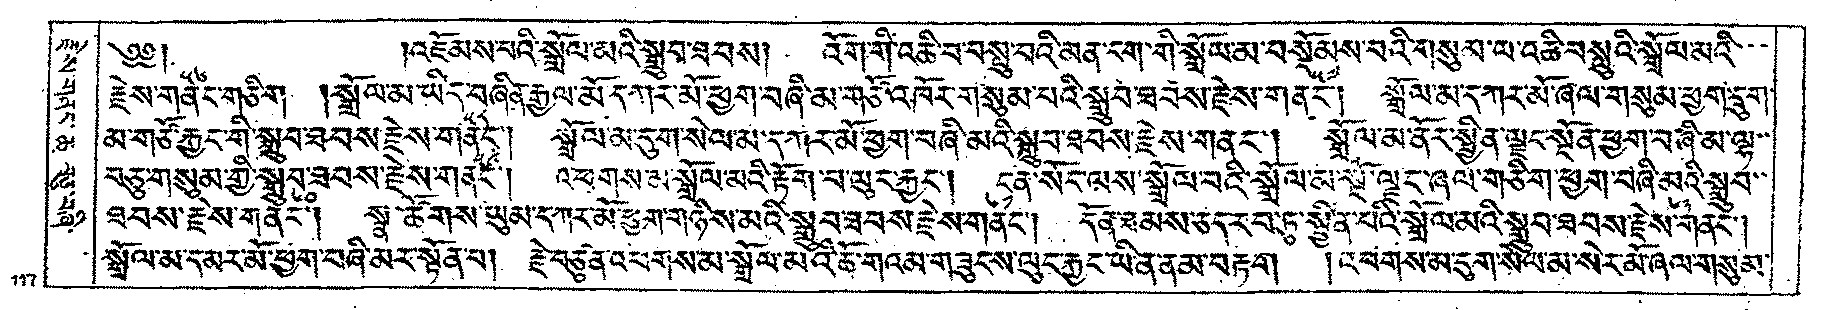༄༅། །འཇོམས་པའི་སྒྲོལ་མའི་སྒྲུབ་ཐབས། འོག་གི་འཆི་བ་བསླུ་བའི་མན་ངག་གི་སྒྲོལ་མ་བསྡོམས་པའི་གསུམ་ལ་འཆི་བསླུའི་སྒྲོལ་མའི་
རྗེས་གནང ༥༦་གཅིག །སྒྲོལ་མ་ཡིད་བཞིན་རྒྱལ་མོ་དཀར་མོ་ཕྱག་བཞི་མ་གཙོ་འཁོར་གསུམ་པའི་སྒྲུབ་ཐབས་རྗེས་གནང ༥༧། སྒྲོལ་མ་དཀར་མོ་ཞལ་གསུམ་ཕྱག་དྲུག་
མ་གཙོ་རྐྱང་གི་སྒྲུབ་ཐབས་རྗེས་གནང ༥༨། སྒྲོལ་མ་དུག་སེལ་མ་དཀར་མོ་ཕྱག་བཞི་མའི་སྒྲུབ་ཐབས་རྗེས་གནང་། སྒྲོལ་མ་ནོར་སྦྱིན་ལྗང་སྔོན་ཕྱག་བཞི་མ་ལྷ་
བཅུ་གསུམ་གྱི་སྒྲུབ་ཐབས་རྗེས་གནང ༥༩། འཕགས་མ་སྒྲོལ་མའི་རྟོག་པ་ལུང་རྐྱང་། ངན་སོང་ལས་སྒྲོལ་བའི་སྒྲོལ་མ་སྔོ་ལྗང་ཞལ་གཅིག་ཕྱག་བཞི་མའི་སྒྲུབ་
ཐབས་རྗེས་གནང ༦༠། སྣ་ཚོགས་ཡུམ་དཀར་མོ་ཕྱག་གཉིས་མའི་སྒྲུབ་ཐབས་རྗེས་གནང ༦༡། དོན་ཐམས་ཅད་རབ་ཏུ་སྦྱིན་པའི་སྒྲོལ་མའི་སྒྲུབ་ཐབས་རྗེས་གནང ༦༢།
སྒྲོལ་མ་དམར་མོ་ཕྱག་བཞི་མར་སྟོན་པ། རྗེ་བཙུན་འཕགས་མ་སྒྲོལ་མའི་ཆོ་གའམ་གཟུངས་ལུང་རྐྱང་ཡིན་ནམ་བརྟག །འཕགས་མ་དུག་སེལ་མ་སེར་མོ་ཞལ་གསུམ་